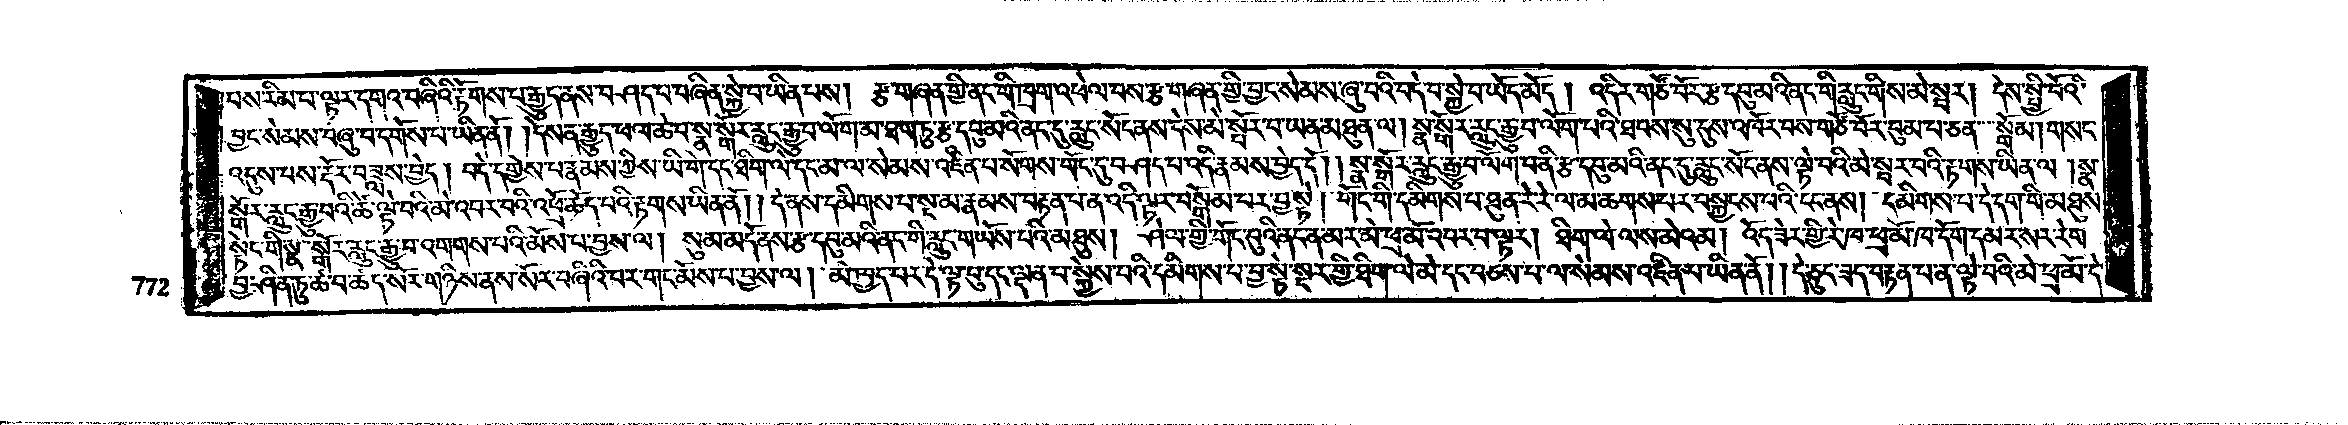པས་རིམ་པ་ལྟར་དགའ་བཞིའི་རྟོགས་པ་རྒྱུད་ནས་བཤད་པ་བཞིན་སྐྱེ་བ་ཡིན་པས། རྩ་གཞན་གྱི་ནང་གི་ཁྲག་འཕེལ་བས་རྩ་གཞན་གྱི་བྱང་སེམས་ཞུ་བའི་བདེ་བ་སྐྱེ་བ་ཡོད་མོད། འདིར་གཙོ་བོར་རྩ་དབུ་མའི་ནང་གི་རླུང་གིས་མེ་སྦར། དེས་སྤྱི་བོའི་
བྱང་སེམས་བཞུ་བ་དགོས་པ་ཡིན་ནོ། །དེས་ན་རྒྱུད་ཕལ་ཆེ་བ་སྣ་སྒོར་རླུང་རྒྱུ་བ་ལོག་མ་ཐག་ཏུ་རྩ་དབུ་མའི་ནང་དུ་རླུང་སོང་ནས་དེས་མེ་སྦོར་བ་ཡན་མཐུན་ལ། སྣ་སྒོར་རླུང་རྒྱུ་བ་ལོག་པའི་ཐབས་སུ་དུས་འཁོར་བས་གཙོ་བོར་བུམ་པ་ཅན་སྒོམ། གསང་
འདུས་པས་རྡོར་བཟླས་བྱེད། བདེ་དགྱེས་པ་རྣམས་ཀྱིས་ཡི་གེ་དང་ཐིག་ལེ་དང་མ་ལ་སེམས་འཛིན་པ་སོགས་གོང་དུ་བཤད་པ་འདི་རྣམས་བྱེད་དོ། །སྣ་སྒོར་རླུང་རྒྱུ་བ་ལོག་པ་ནི་རྩ་དབུ་མའི་ནང་དུ་རླུང་སོང་ནས་ལྟེ་བའི་མེ་སྦར་བའི་རྟགས་ཡིན་ལ། སྣ་
སྒོར་རླུང་རྒྱུ་བའི་ཚེ་ལྟེ་བའི་མེ་འབར་བའི་འཕྲོ་ཆོད་པའི་རྟགས་ཡིན་ནོ། །དེ་ནས་དམིགས་པ་སྔ་མ་རྣམས་བརྟན་པ་ན་འདི་ལྟར་བསྒོམ་པར་བྱ་སྟེ། གོང་གི་དམིགས་པ་ཐུན་རེ་རེ་ལ་མ་ཆགས་པར་བསྐྱངས་པའི་ངང་ནས། དམིགས་པ་དེ་དག་གི་མཐུས་
སྟེང་གི་སྣ་སྒོར་རླུང་རྒྱུ་བ་འགགས་པའི་མོས་པ་བྱས་ལ། སུམ་མདོ་ནས་རྩ་དབུ་མའི་ནང་གི་རླུང་གཡོས་པའི་མཐུས། ཤེལ་གྱི་གོང་བུའི་ནང་ན་མར་མེ་ཕྲ་མོ་འབར་བ་ལྟར། ཐིག་ལེ་ལས་མེའམ། འོད་ཟེར་གྱི་རེ་ཁ་ཕྲ་མོ་ཁ་དོག་དམར་སེར་རེག་
བྱ་ཤིན་ཏུ་ཚ་བ་ཚད་སོར་གཉིས་ནས་སོར་བཞིའི་བར་གང་མོས་པ་བྱས་ལ། མེ་ཁྱད་པར་དེ་ལྟ་བུ་དང་ལྡན་པ་སྐྱེས་པའི་དམིགས་པ་བྱ་སྟེ་སྔར་གྱི་ཐིག་ལེ་མེ་དང་བཅས་པ་ལ་སེམས་འཛིན་པ་ཡིན་ནོ། །དེ་ཅུང་ཟད་བརྟན་པ་ན་ལྟེ་བའི་མེ་ཕྲ་མོ་དེ་